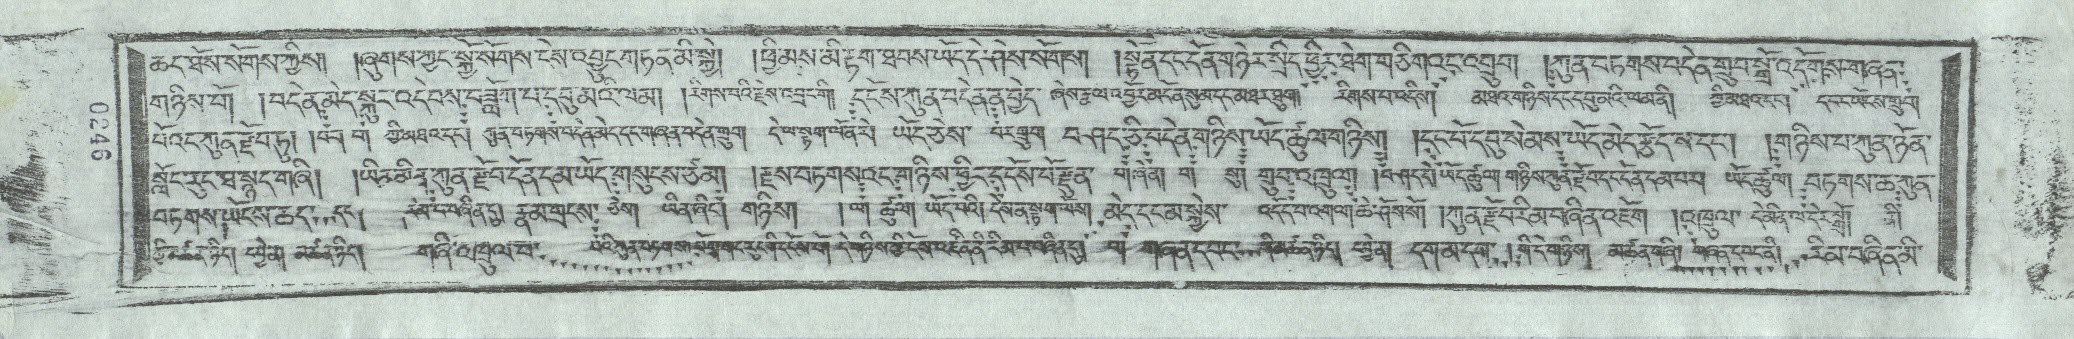ཆད་ཐོས་སོགས་ཀྱིས། །ཞུགས་ཀྱང་སྐྱོ་སོགས་ངེས་འབྱུང་གཏན་མི་སྐྱེ། །ཕྱི་མས་མི་རྟག་ཐབས་ཡོད་དེ་ཤེས་སོགས། །སྟོན་དང་དོན་གཉེར་སྲིད་ཕྱིར་ཐེག་གཅིག་འང་འགྲུབ། །ཀུན་བཏགས་བདེན་གྲུབ་སྒྲོ་འདོགས་གལ་ར་
གཉིས་པོ། །བདེན་མེད་སྐུད་འདེབས་བཟློག་པ་དབུ་མའི་ལམ། །རིགས་པའི་རྗེས་འབྲང་གི། དངོས་ཀུན་བདེན་ན་བྱེད་ཞེས་རྣལ་འབྱོར་མངོན་སུམ་དང་མཐར་ཐུག། རིགས་པ་འདིས། མཐའ་གཉིས་དང་དབུ་མའི་ལམ་ནི། ཀྱི་མཐའ་དང་། དབང་ཡེངས་གྲུབ།
པོའང་ཀུན་རྫོབ་ཏུ། པང་། བ། ཀྱི་མཐའ་དང་། ཀུན་བཏགས་བདེན་མེད་དང་གཞན་བདེན་གྲུབ། དེ་ལ་སྟག་ལོན་རེ། ཡོང་ཅེས་པར་གྲུབ་བཤད་ཅི་བདེན་གཉིས་ཡོད་ཚུལ་གཉིས། །དང་པོ་དབུ་སེམས་ཡོད་མེད་རྩོད་ས་དང་། །གཉིས་པ་ཀུན་ཉོན་
སློང་རུང་ཐ་སྙད་གཞི། །ཡིན་མིན་ཀུན་རྫོབ་དོན་དམ་ཡོད་གསུངས་ཙམ། །རྫས་བཏགས་འང་གཉིས་ཕྱིར་དངོས་པོ་རྫུན་གཞེན། བ། སུ་གྲུབ་འཁྲུལ། །བཤད་བེ་ཡོད་ཚུལ། །གཉིས་ཀུན་རྫོབ་དང་དོན་དམ་པར། ཡོད་ཚུལ། བཏགས་ཆ་ཀུན་
བཏགས་ཡོངས་ཆད་དང་། རིམ་བཞིན་དུ། རྣམ་གྲངས་ཅེས། ཡིན་ཞིང་། གཉིས། ལ། །ཚུལ། ཡོད་པའི། དེས་ན་སྟག་ལས། མེད་དང་མ་སྐྱེས་འདོད་པ་འགལ། ཆེ་ཤོས་སོ། །ཀུན་རྫོབ་རིམ་བཞིན་འཇོག །འཁྲུལ་དེ་མིན་ལ་དེར་སྒྲོ། །ནི།
ཀྱི་མཚན་ཉིར། དབྱེ་ན། མཚན་ཉིད། གཞི་འཁྲུལ་བ་པའི་ཀུན་བཏགས། སོགས་གང་རུང་གི་དངོས་པོ། དེ་གཉིས་ཀྱི་ངོས་འཛིན་ནི་རིམ་པ་བཞིན་དུ། བ། གཞན་དབང་གི་མཚན་ཉིད། དབྱེ་ན། དག་མ་དག། གི་ངེ་གཉིས། མཚན་གཞི། གཞན་དབང་ནི། རིམ་བཞིན་མི་